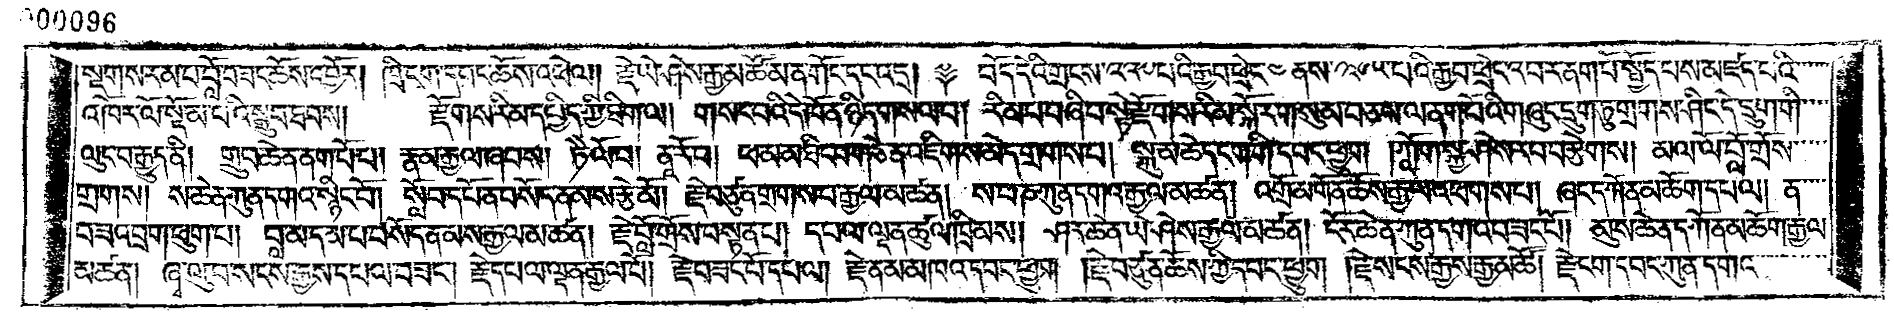སྔགས་རམ་པ་བློ་བཟང་ཆོས་འབྱོར། ཁྲི་ངག་དབང་ཆོས་འཕེལ་རྗེ་ཡེ་ཤེས་རྒྱ་མཚོ་མན་གོང་དང་འདྲ། ༈ བོད་དེའི་གྲངས ༢༢༧་པའི་རྒྱབ་ཕྲེང ༤་ནས ༣༦༥་པའི་རྒྱབ་ཕྲེང ༢་བར་ནག་པོ་སྤྱོད་པས་མཛད་པའི་
འཁོར་ལོ་སྡོམ་པའི་སྒྲུབ་ཐབས། རྫོགས་རིམ་དཔྱིད་ཀྱི་ཐིག་ལ། གསང་བའི་དེ་ཁོ་ན་ཉིད་གསལ་བ། རིམ་པ་བཞི་བ་སྟེ་རྫོགས་རིམ་སྐོར་གསུམ་བཅས་ལ་ནག་པོའི་གཞུང་དྲུག་ཏུ་གྲགས་ཤིང་དེ་དྲུག་གི་
ལུང་བརྒྱུད་ནི། གྲུབ་ཆེན་ནག་པོ་པ། རྣམ་རྒྱལ་ཞབས། ཏཻ་ལོ་བ། ནཱ་རོ་བ། ཕམ་མཐིང་བ་གཅེན་འཇིགས་མེད་གྲགས་པ། སྐུ་མཆེད་ངག་གི་དབང་ཕྱུག །ཀློག་སྐྱ་ཤེས་རབ་བརྩེགས། མལ་ལོ་བློ་གྲོས་
གྲགས། ས་ཆེན་ཀུན་དགའ་སྙིང་བོ། སློབ་དཔོན་བསོད་ནམས་རྩེ་མོ། རྗེ་བཙུན་གྲགས་པ་རྒྱལ་མཚན། ས་པཎ་ཀུན་དགའ་རྒྱལ་མཚན། འགྲོ་མགོན་ཆོས་རྒྱལ་འཕགས་པ། ཞང་དཀོན་མཆོག་དཔལ། ན་
བཟའ་བྲག་ཕུག་པ། བླ་མ་དམ་པ་བསོད་ནམས་རྒྱལ་མཚན། རྗེ་བློ་གྲོས་བསྟན་པ། དཔལ་ལྡན་ཚུལ་ཁྲིམས། ཤར་ཆེན་ཡེ་ཤེས་རྒྱལ་མཚན། ངོར་ཆེན་ཀུན་དགའ་བཟང་པོ། མུས་ཆེན་དཀོན་མཆོག་རྒྱལ་
མཚན། ཞྭ་ལུ་བ་སངས་རྒྱས་དཔལ་བཟང་། རྗེ་དཔལ་ལྡན་རྒྱལ་པོ། རྗེ་བཟང་པོ་དཔལ། རྗེ་ནམ་མཁའ་དབང་ཕྱུག །རྗེ་བཙུན་ཆོས་ཀྱི་དབང་ཕྱུག །རྗེ་སངས་རྒྱས་རྒྱ་མཚོ། རྗེ་ངག་དབང་ཀུན་དགའ་